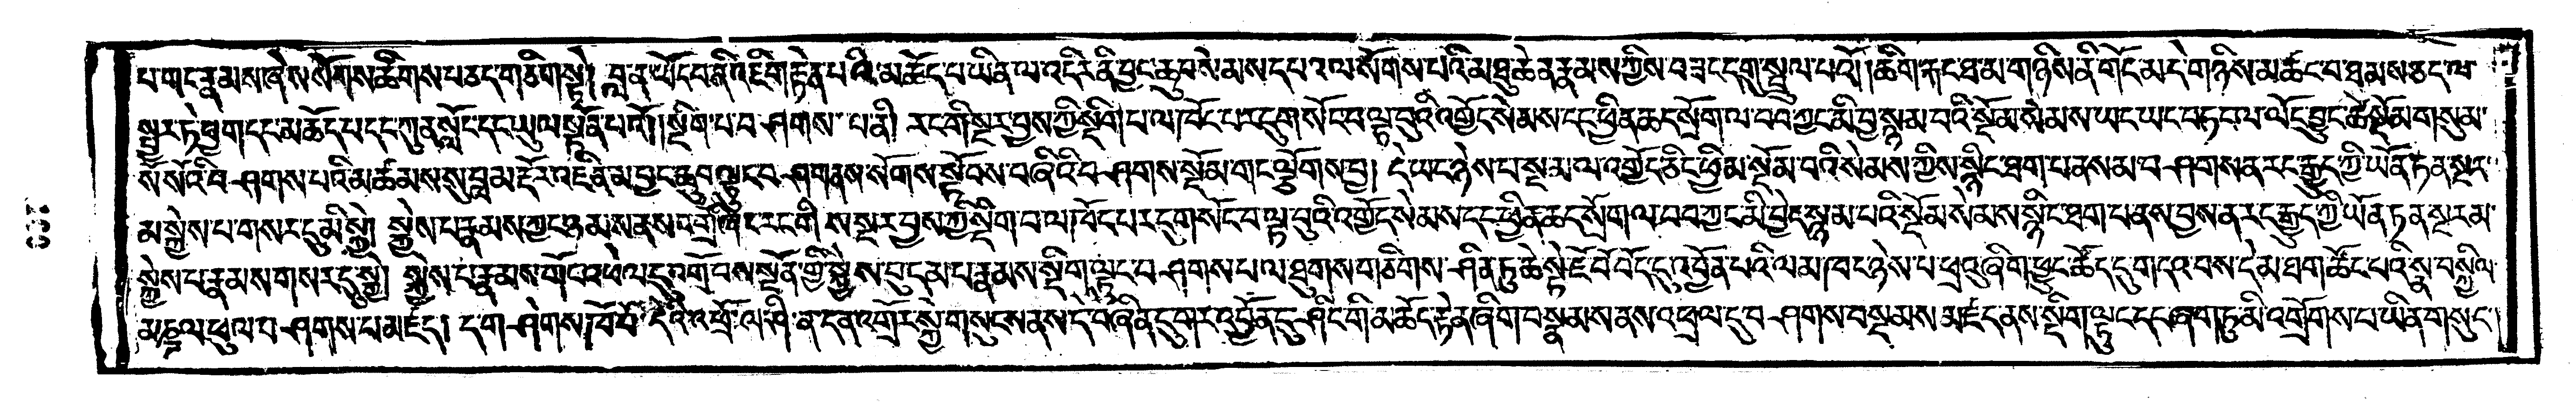པ་གང་རྣམས་ཞེས་སོགས་ཚིགས་བཅད་གཅིག་སྟེ། བླ་ན་ཡོད་པ་ནི་འཇིག་རྟེན་པའི་མཆོད་པ་ཡིན་ལ་འདིར་ནི་བྱང་ཆུབ་སེམས་དཔའ་ལ་སོགས་པའི་མཐུ་ཆེན་རྣམས་ཀྱིས་བཟང་དགུ་སྤྲུལ་པའོ། །ཚིག་རྐང་ཐ་མ་གཉིས་ནི་གོང་མ་དེ་གཉིས་མ་ཚང་བ་ཐམས་ཅད་ལ་
སྦྱར་ཏེ་ཕྱག་དང་མཆོད་པ་དང་ཀུན་སློང་དང་ཡུལ་སྟོན་པའོ། །སྡིག་པ་བཤགས་པ་ནི། རང་གི་སྔར་བྱས་ཀྱི་སྡིག་པ་ལ་ཁོང་པར་དུག་སོང་བ་ལྟ་བུའི་འགྱོང་སེམས་དང་ཕྱིན་ཆད་སྲོག་ལ་བབ་ཀྱང་མི་བྱ་སྙམ་པའི་སྡོམ་སེམས་ཡང་ཡང་བཏབ་ལ་ལོང་བྱུང་ཚེ་སྡོམ་གསུམ་
སོ་སོའི་བཤགས་པའི་མཚམས་སུ་བླ་མ་རྡོར་འཛིན་མ་བྱང་ཆུབ་ལྟུང་བཤག་ནས་སོགས་སྟོབས་བཞིའི་བཤགས་སྡོམ་གང་ལྕོགས་བྱ། དེ་ཡང་ཉེས་པ་སྔ་མ་ལ་འགྱོད་ཅིང་ཕྱི་མ་སྡོམ་པའི་སེམས་ཀྱིས་སྙིང་ཐག་པ་ནས་མ་བཤགས་ན་རང་རྒྱུད་ཀྱི་ཡོན་ཏན་སྔར་
མ་སྐྱེས་པ་གསར་དུ་མི་སྐྱེ། སྐྱེས་པ་རྣམས་ཀྱང་ཉམས་ནས་འགྲོ་ཞིང་རང་གིས་སྔར་བྱས་ཀྱི་སྡིག་པ་ལ་ཁོང་པར་དུག་སོང་བ་ལྟ་བུའི་འགྱོད་སེམས་དང་ཕྱིན་ཆད་སྲོག་ལ་བབ་ཀྱང་མི་བྱེད་སྙམ་པའི་སྡོམ་སེམས་སྙིང་ཐག་པ་ནས་བྱས་ན་རང་རྒྱུད་ཀྱི་ཡོན་ཏན་སྔར་མ་
སྐྱེས་པ་རྣམས་གསར་དུ་སྐྱེ། སྐྱེས་པ་རྣམས་གོང་འཕེལ་དུ་འགྲོ་བས་སྔོན་གྱི་སྐྱེས་བུ་དམ་པ་རྣམས་སྡིག་ལྟུང་བཤགས་པ་ལ་ཐུགས་གཅིགས་ཤིན་ཏུ་ཆེ་སྟེ་ཇོ་བོ་བོད་དུ་འབྱོན་པའི་ལམ་ཁང་ཉེས་པ་ཕྲའུ་ཞིག་ཕྱུང་ཚོད་དུ་གདའ་བས་དེ་མ་ཐག་ཚོང་བའི་སྣ་བསྐྱིལ་
མཎྜལ་ཕུལ་བཞགས་པ་མཛད། ད་གཤེགས་ཁོ་བོ་དེའི་འཕྲོ་ལ་ཤི་ན་དན་འགྲོར་སྐྱེ་གསུངས་ནས་དེ་བཞིན་དུ་གར་འབྱོན་དུ་ཤིང་གི་མཆོད་རྟེན་ཞིག་བསྣམས་ནས་འཕྲལ་དུ་བཤགས་བསྡམས་མཛད་ནས་སྡིག་ལྟུང་དང་ཞག་ཏུ་མི་འགྲོགས་པ་ཡིན་གསུངས་